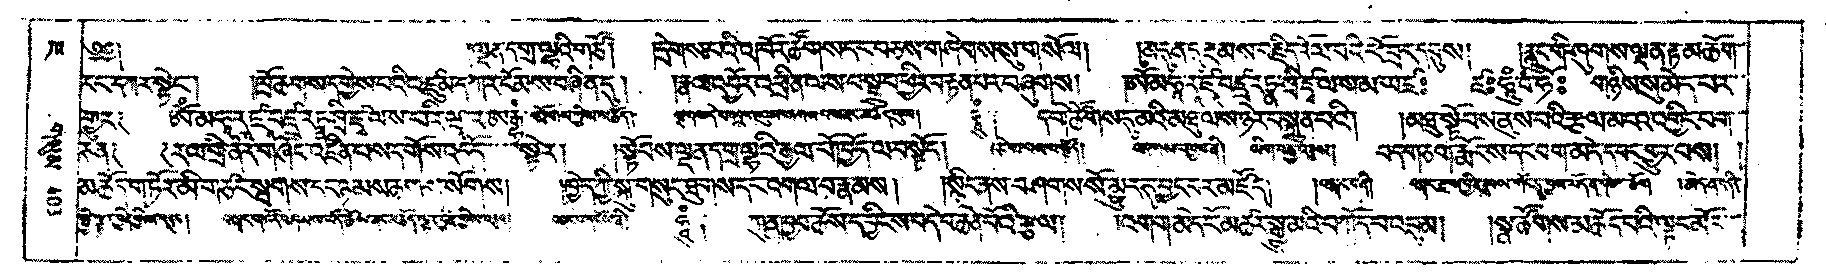༄༅། །ལྡན་དགྲ་ལྷའི་གཙོ། །དྲེགས་པའི་འཁོར་ཚོགས་དང་བཅས་གཤེགས་སུ་གསོལ། །མདུན་དུ་རྔམས་བརྗིད་རོལ་བའི་ཕོ་བྲང་དབུས། །རླུང་གི་ཤུགས་ལྡན་རྟ་མཆོག་
ངང་དཀར་སྟེང་། །ཁྲོ་ཆགས་དགྱེས་པའི་འཛུམ་དཀར་ངོམས་བཞིན་དུ། །རྣལ་འབྱོར་འཕྲིན་ལས་བསྒྲུབ་ཕྱིར་བརྟན་པར་བཞུགས། །ཨོཾ་མཧཱ་རཱ་ཛཱ་བཛྲ་རཏྣ་ཤྲི་ཛྭ་ལ་ས་མ་ཡ་ཛཿ ཛཿ ཧཱུཾ་བཾ་ཧོཿ གཉིས་སུ་མེད་པར་
གྱུར༑ ཨོཾ་མཧཱ་རཱ་ཛཱ་བཛྲ་རཏྣ་ཤྲི་ཛྭ་ལ་ས་པ་རི་ཝཱ་ར་ཨརྒྷཾ་སོགས་ཀྱིས་མཆོད། སྔགས་དེ་ལ་འབྲུ་གསུམ་བཏགས་པས་ནང་མཆོད་ཕུལ།  ཧཱུཾ༑ དགེ་ཚོགས་དུ་མའི་མཐུ་ལས་ཉེར་བསྐྲུན་པའི། །མཐུ་སྟོབས་ནུས་པའི་རྩལ་མངའ་འགྱིང་བག་
ཅན༑ ༑རལ་གྲི་ནར་གཞོང་འཛིན་པས་དགོས་འདོད་སྟེར། །སྟོབས་ལྡན་དགྲ་ལྷའི་རྒྱལ་པོ་ཁྱོད་ལ་བསྟོད། ། ཅེས་པས་བསྟོད། བཤགས་པ་བྱ་བ་ནི། ཡིག་བརྒྱ་བཟླས།  བདག་ཅག་རྨོངས་དང་བག་མེད་དབང་གྱུར་པས། །
མཆོད་གཏོར་མི་གཙང་སྦགས་དང་ཉམས་ཆགས་སོགས། །ཁྱེད་ཀྱི་སྐུ་གསུང་ཐུགས་དང་འགལ་བ་རྣམས། །སྙིང་ནས་བཤགས་སོ་མྱུར་དུ་བྱང་བར་མཛོད། །བསྐང་བ་ནི། བསྐང་རྫས་བྱིན་རླབས་གོང་དུ་བྱས་ཡོད་ན་དེས་ཆོག །མེད་ན་འདིར་
སྤྱི་ལྟར་བྱིན་གྱིས་བརླབ། བསྐང་གཏོར་བཤམས་ཡོད་ཚེས་ནང་མཆོད་ལྟར་བྱིན་གྱིས་བརླབ། བསྐང་བ་དངོས་ནི། ཧཱུཾ༑ ཀུན་ཁྱབ་ཆོས་དབྱིངས་བདེ་བ་ཆེན་པོའི་རྩལ། །འགག་མེད་ངོ་མཚར་སྒྱུ་མའི་བཀོད་པ་འབུམ། །སྣ་ཚོགས་མཆོད་པའི་ལྟད་མོར་